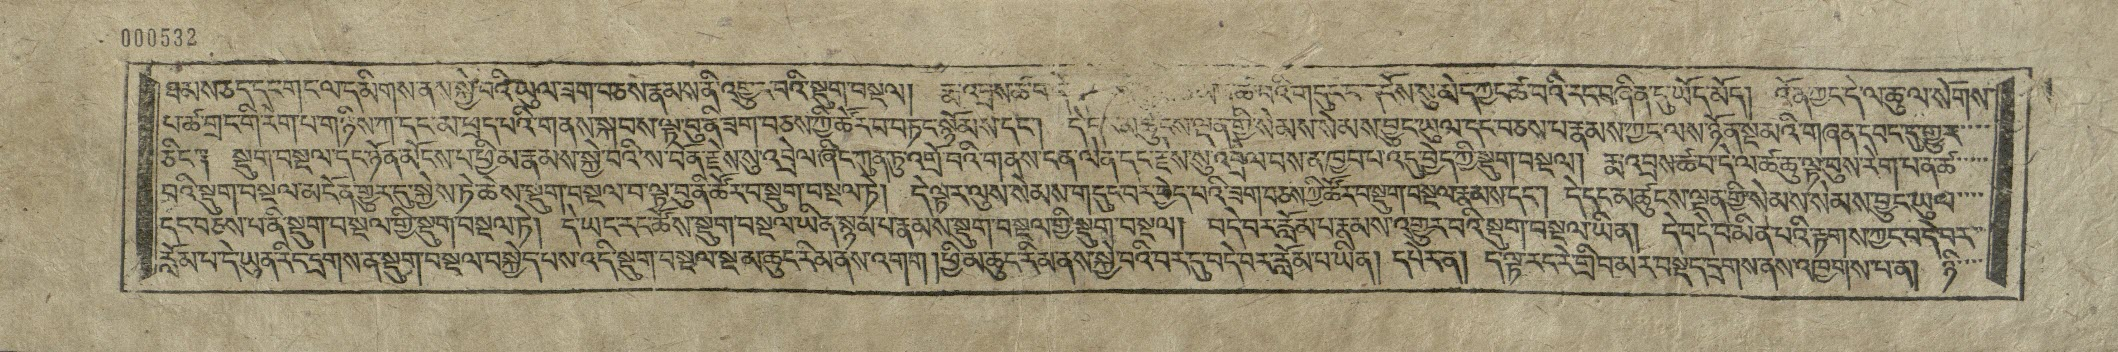ཐམས་ཅད་དང་གང་ལ་དམིགས་ནས་སྐྱེ་བའི་ཡུལ་ཟག་བཅས་རྣམས་ནི་འགྱུར་བའི་སྡུག་བསྔལ། རྨ་འབྲས་ཚ་བ་དེ་དང་པོར་སྐྱེས་ཙམ་ན་ཚ་བའི་གདུང་བ་དངོས་སུ་མེད་ཀྱང་ཚ་བའི་རང་བཞིན་དུ་ཡོད་མོད། འོན་ཀྱང་དེ་ལ་ཆུ་ལ་སོགས་
པ་ཚ་གྲང་གི་རེག་པ་གཉེས་ཀ་དང་མ་ཕད་པའི་གནས་སྐབས་ལྟ་བུ་ནི་ཟག་བཅས་ཀྱི་ཚོར་བ་བཏང་སྙོམས་དང་། དེ་དང་མཚུངས་ལྡན་གྱི་སེམས་སེམས་བྱུང་ཡུལ་དང་བཅས་པ་རྣམས་ཀྱང་ལས་ཉོན་སྔ་མའི་གཞན་དབང་དུ་གྱུར་
ཅིང༑ སྡུག་བསྔལ་དང་ཉོན་མོངས་པ་ཕྱི་མ་རྣམས་སྐྱེ་བའི་ས་བོན་རྗེས་སུ་འབྲེལ་ཞིང་ཀུན་ཏུ་འགྲོ་བའི་གནས་ངན་ལེན་དང་རྗེས་སུ་འབྲེལ་བས་ན་ཁྱབ་པ་འདུ་བྱེད་ཀྱི་སྡུག་བསྔལ། རྨ་འབྲས་ཚ་བ་དེ་ལ་ཚ་ཆུ་ལྟ་བུས་རེག་པ་ན་ཚ་
བའི་སྡུག་བསྔལ་མངོན་གྱུར་དུ་སྐྱེས་ཏེ་ཆེས་སྡུག་བསྔལ་བ་ལྟ་བུ་ནི་ཚོར་བ་སྡུག་བསྔལ་ཏེ། དེ་ལྟར་ལུས་སེམས་གདུང་བར་བྱེད་པའི་ཟག་བཅས་ཀྱི་ཚོར་བ་སྡུག་བསྔལ་རྣམས་དང་། དེ་དང་མཚུངས་ལྡན་གྱི་སེམས་སེམས་བྱུང་ཡུལ་
དང་བཅས་པ་ནི་སྡུག་བསྔལ་གྱི་སྡུག་བསྔལ་ཏེ། དེ་ཡང་རང་ཚོས་སྡུག་བསྔལ་ཡིན་སྙམ་པ་རྣམས་སྡུག་བསྔལ་གྱི་སྡུག་བསྔལ། བདེ་བར་རློམ་པ་རྣམས་འགྱུར་བའི་སྡུག་བསྔལ་ཡིན། དེ་བདེ་བ་མིན་པའི་རྟགས་ཀྱང་བདེ་བར་
རློམ་པ་དེ་ཡུན་རིང་དྲགས་ན་སྡུག་བསྔལ་བསྐྱེད་པས་འདི་སྡུག་བསྔལ་སྔ་མ་ཆུང་རིམ་ནས་འགག །ཕྱི་མ་ཆུང་རིམ་ནས་སྐྱེ་བའི་བར་དུ་བདེ་བར་རློམ་པ་ཡིན། དཔེར་ན། ད་ལྟ་རང་རེ་གྲིབ་མར་བསྡད་དྲགས་ནས་འཁྱགས་པ་ན། ཉི་